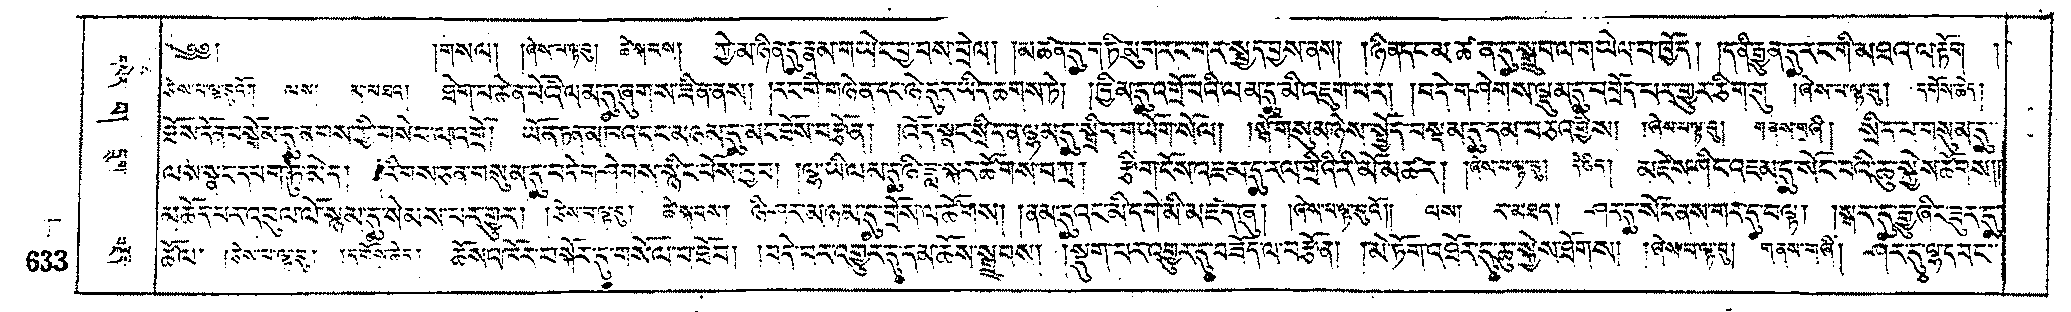༄༅། །གསལ། །ཞེས་པ་ལྟ་བུ། ཚེ་སྐབས།  ཀྱེ་མ་ཉིན་དུ྾་རྣམ་གཡེང་བྱ་བས་བྲེལ། །མཚན་དུ྾་གཏི་མུག་རང་གར་སྤྱད་བྱས་ནས། །ཉིན་དང་མཚན་དུ྾་སྒྲུབ་ལ་གཡེལ་བ་ཁྱོད། །ད་ནི་རྒྱུན་དུ྾་རང་གི་མཐའ་ལ་རྟོག །
ཅེས་པ་ལྟ་བུའོ།། ལས། མ་མཐའ།  ཐེག་པ་ཆེན་པོའི་ལམ་དུ྾་ཞུགས་ཟིན་ནས། །རང་གི་གཉེན་དང་ཉེ་དུར་ཡིད་ཆགས་ཏེ། །ཁྱིམ་དུ྾་འགྲོ་བའི་ལམ་དུ྾་མི་འཇུག་པར། །བདེ་གཤེགས་ལྡུམ་དུ྾་བགྲོད་པར་གྱུར་ཅིག་གུ་།ཞེས་པ་ལྟ་བུ། དགོས་ཆེད།
ཐོས་དོན་བསྒོམ་དུ་ནགས་ཀྱི་གསེབ་ལ་འགྲོ། ཡོན་ཏན་མཁའ་དང་མཉམ་དུ྾་མང་ཐོས་བརྩོན། །འོད་སྣང་སྲིད་ན་ལྷམ་དུ྾་སྒྲིབ་གཡོག་སོལ། །སྒོ་གསུམ་ཉེས་སྤྱོད་བསྡམ་དུ྾་དམ་བཅའ་གྱིས། །ཞེས་པ་ལྟ་བུ། གནས་གཞི།  སྲིད་པ་གསུམ་དུ྾་་་
ལས་སྣང་དཔག་ཏུ་མེད། །རིགས་ཅན་གསུམ་དུ྾་བདེ་གཤེགས་སྙིང་པོས་ཁྱབ། །ལྷ་ཡི་ལམ་དུ྾་ཉི་ཟླ་སྐར་ཚོགས་བཀྲ། རྩིག་ངོས་འཇམ་དུ྾་རལ་གྲིའི་རི་མོ་མཚར། །ཞེས་པ་ལྟ་བུ། དེ་ཉིད།  མཛེས་ཤིང་འཇམ་དུ྾་སོང་བའི་ཆུ་སྐྱེས་ཚོགས།།
མཆོད་པར་འབུལ་ལོ་སྙམ་དུ྾་སེམས་པར་གྱུར། །ཅེས་པ་ལྟ་བུ། ཚེ་སྐབས།  ཉི་ཤར་མཉམ་དུ྾་གྲོས་ལ་ཚོགས། །ནམ་དུ྾འང་མི་དགེ་མི་མཛད་ཞུ། །ཞེས་པ་ལྟ་བུའོ།། ལས། ར་མཐའ།  ཤར་དུ྾་སོང་ནས་གར་དུ྾་བལྟ། །སྒར་དུ྾་རྒྱུ་ཞིང་ཟུར་དུ྾་
ཚོལ། །ཅེས་པ་ལྟ་བུ། །དགོས་ཆེད།  ཆོས་འཁོར་བསྐོར་དུ྾་གསོལ་བ་ཐོབ། །བདེ་བར་འགྱུར་དུ྾་དམ་ཆོས་སྒྲུབས། །སྡུག་པར་འགྱུར་དུ྾་བཟོད་ལ་བརྩོན། །མེ་ཏོག་འཐོར་དུ྾་ཆུ་སྐྱེས་ཐོགས། །ཞེས་པ་ལྟ་བུ། གནས་གཞི། ཤར་དུ྾་ལྷ་དབང་་་